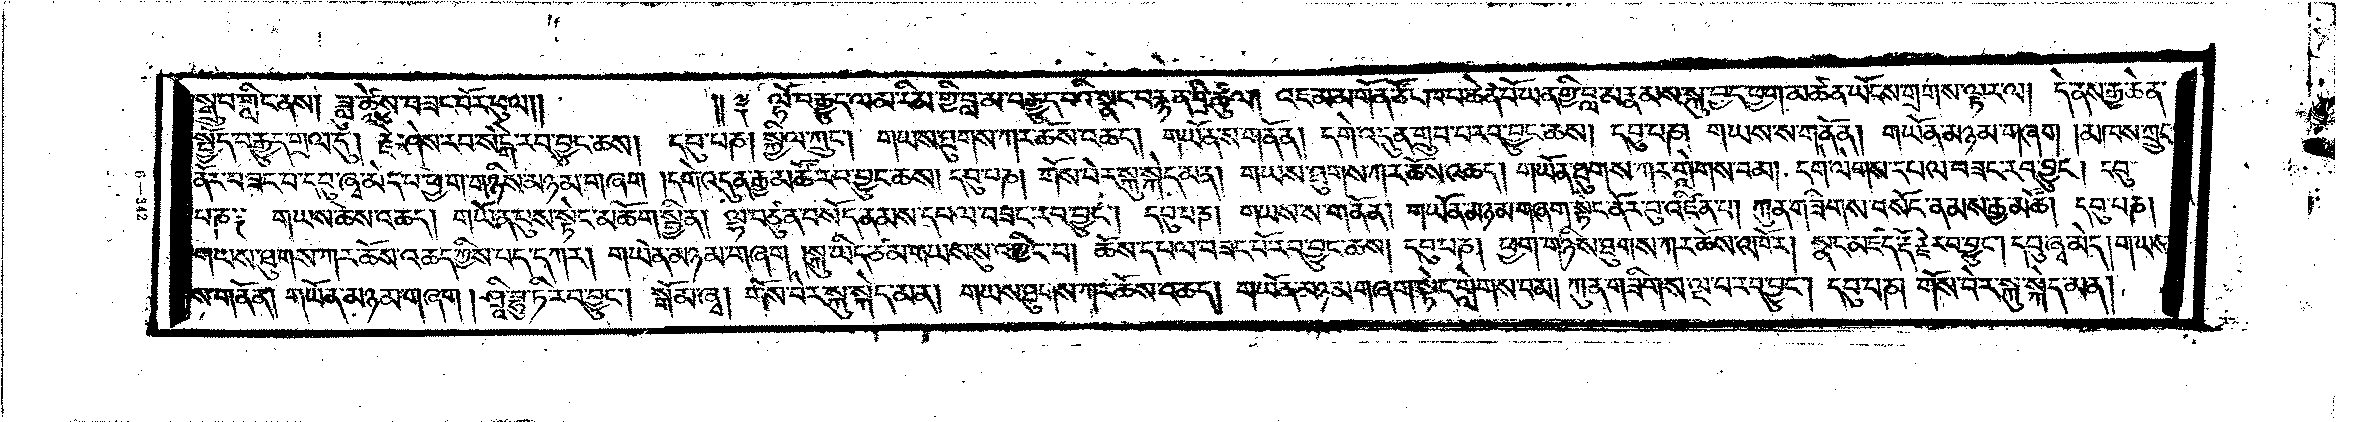སྒྲུབ་གླིང་ནས། ཟླ་ཚེས ༣༦་བཟང་པོར་ཕུལ།། །།༈ ལྷོ་བརྒྱུད་ལམ་རིམ་གྱི་བླ་མ་བརྒྱུད་བའི་སྣང་བརྙན་བྲི་ཚུལ། འཇམ་མགོན་ཙོང་ཁ་པ་ཆེན་པོ་ཡན་གྱི་བླ་མ་རྣམས་སྐུ་བྱད་ཕྱག་མཚན་ཡོངས་གྲགས་ལྟར་ལ། དེ་ནས་རྒྱ་ཆེན་
སྤྱོད་བརྒྱུད་གྲལ་དུ། རྗེ་ཤེས་རབ་སེངྒེ་རབ་བྱུང་ཆས། དབུ་པཎ། སྐྱིལ་ཀྲུང་། གཡས་ཐུགས་ཀར་ཆོས་འཆད། གཡོན་ས་གནོན། དགེ་འདུན་གྲུབ་པ་རབ་བྱུང་ཆས། དབུ་པཎ། གཡས་ས་གནོན། གཡོན་མཉམ་གཞག །མཁས་ཀྲུང་
ནོར་བཟང་བ་དབུ་ཞྭ་མེད་པ་ཕྱག་གཉིས་མཉམ་གཞག །དགེ་འདུན་རྒྱ་མཚོ་རབ་བྱུང་ཆས། དབུ་པཎ། གོས་བེར་སྐུ་སྐེད་མན། གཡས་ཐུགས་ཀར་ཆོས་འཆད། གཡོན་ཐུགས་ཀར་གླེགས་བམ། དགེ་ལེགས་དཔལ་བཟང་རབ་བྱུང་། དབུ་
པཎ༑ གཡས་ཆེས་འཆད། གཡོན་པུས་སྟེང་མཆོག་སྦྱིན། ལྷ་བཙུན་བསོད་ནམས་དཔལ་བཟང་རབ་བྱུང་། དབུ་པཎ། གཡས་ས་གནོན། གཡོན་མཉམ་གཞག་སྟེང་ནོར་བུ་འཛིན་པ། ཀུན་གཟིགས་བསོད་ནམས་རྒྱ་མཚོ། དབུ་པཎ།
གཡས་ཐུགས་ཀར་ཆོས་འཆད་ཀྱིས་པད་དཀར། གཡེན་མཉམ་གཞག །སྐུ་ཡིད་ཙམ་གཡས་སུ་འགྱིང་བ། ཆོས་དཔལ་བཟང་པོ་རབ་བྱུང་ཆས། དབུ་པཎ། ཕྱག་གཉིས་ཐུགས་ཀར་ཆོས་འཁོར། སྣང་མཛད་རྡོ་རྗེ་རབ་བྱུང་། དབུ་ཞྭ་མེད། གཡས་
ས་གནོན། གཡོན་མཉམ་གཞག །ཤྲཱི་བྷུ་ཏི་རབ་བྱུང་། སྒོམ་ཞྭ། གོས་བེར་སྐུ་སྐེད་མན། གཡས་ཐུགས་ཀར་ཆོས་འཆད། གཡོན་མཉམ་གཞག་སྟེང་གླེགས་བམ། ཀུན་གཟིགས་ལྔ་པ་རབ་བྱུང་། དབུ་པཎ། གོས་བེར་སྐུ་སྐེད་མན།